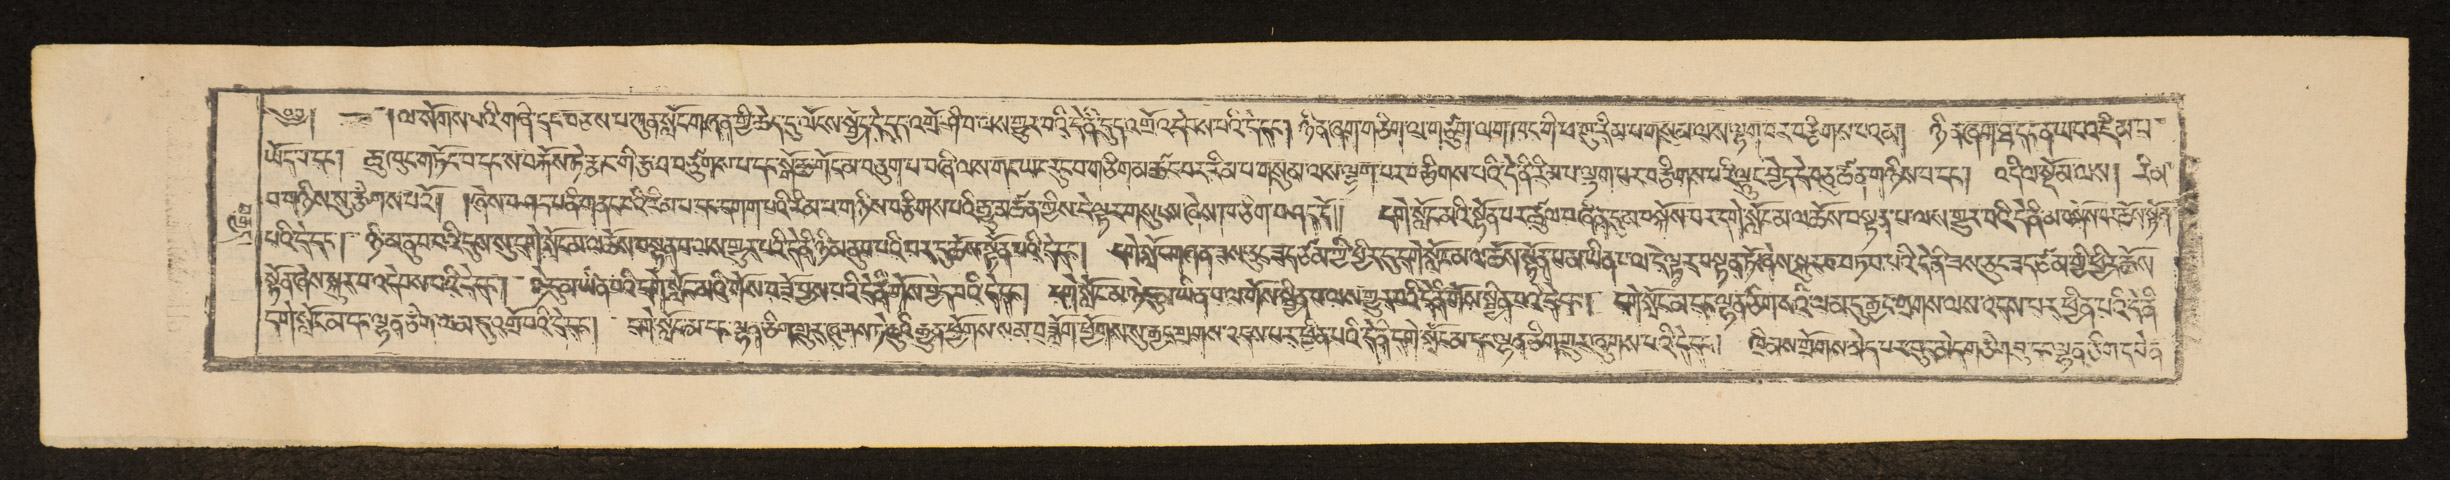༄༅། །ལ་སོགས་པའི་གཞི་དང་བཅས་པ་ཀུན་སློང་གཞན་གྱི་ཆེད་དུ་ལོངས་སྦྱོད་ད་དུད་འགྲོ་ཤི་བ་ལས་གྱུར་བའི་དེ་ནི་དུད་འགྲོ་འདེབས་པའི་དེ་དང་། ཉིན་ཞག་གཅིག་ལ་གཙུག་ལག་ཁང་གི་ཕ་གུ་རིམ་པ་གསུམ་ལས་ལྷག་བར་བརྩིགས་པའམ། ཉིན་ཞག་ཐ་དང་ན་ཡང་འཛིམ་པ་
ཡོད་པ་དང་། ཆུ་ཁུང་གཏོང་བ་དང་ས་བརྐོས་ཏེ་རྨང་གི་རྩ་བའི་བཙུགས་པ་དང་སྒོ་ཆ་གོང་མ་བཅུག་པ་བཞི་ལས་གང་ཡང་རུང་བ་གཅིག་མ་ཚང་བར་རིམ་པ་གསུམ་ལས་ལྷག་པར་བརྩིགས་པའི་དེ་ནི་རིམ་པ་ལྷག་པར་བརྩིགས་པའི་ལྷུང་བྱེད་དེ་བཅུ་ཙན་གཉིས་པ་དང་། འདི་ལ་སྡོམ་ལས། རིམ་
བ་གཉིས་སུ་རྩིགས་པའོ། །ཞེས་བཤད་པ་ནི་གནང་བའི་རིམ་པ་དང་དགག་པའི་རིམ་པ་གཉིས་བརྩིགས་བའི་རྒྱུ་མཚན་གྱིས་དེ་ལྟར་གསུངས་ཞེས་ཁ་ཅིག་བཤད་དོ།། དགེ་སློང་མའི་སྟོན་པར་ཚུལ་བཞིན་དུ་མ་བསྐོས་པར་དགེ་སློང་མ་ལ་ཆོས་བསྟན་པ་ལས་གྱུར་བའི་དེ་ནི་མ་བསྐོས་པར་ཆོས་སྟོན་
པའི་དེ་དང་། ཉི་མ་ནུབ་པའི་དུས་སུ་དགེ་སློང་མ་ལ་ཆོས་བསྟན་པ་ལས་གྱུར་བའི་དེ་ནི་ཉི་མ་ནུབ་པའི་བར་དུ་ཆོས་སྟོན་པའི་དེ་དང་། དགེ་སློང་གཞན་ཟས་ཅུང་ཟད་ཙམ་གྱི་ཕྱིར་དུ་དགེ་སློང་མ་ལ་ཆོས་སྟོན་པ་མ་ཡིན་པ་ལ་དེ་ལྟར་བསྟན་ཏོ་ཞེས་སྐུར་བ་བཏབ་པའི་དེ་ནི་ཟས་ཅུང་ཟད་ཙམ་གྱི་ཕྱིར་ཆོས་
སྟོན་ཞེས་སྐུར་བ་འདེབས་པའི་དེ་དང་། ཉེ་དུ་མ་ཡིན་པའི་དགེ་སློང་མའི་གོས་བཟོ་བྱས་པའི་དེ་ནི་གོས་བྱེད་པའི་དེ་དང་། དགེ་སློང་མ་ཉེ་དུ་མ་ཡིན་པ་ལ་གོས་སྦྱིན་པ་ལས་གྱུར་བའི་དེ་ནི་གོས་སྦྱིན་པའི་དེ་དང་། དགེ་སློང་མ་དང་ལྷན་ཅིག་མའི་ལམ་དུ་རྒྱང་གྲགས་ལས་འདས་པར་ཕྱིན་པའི་དེ་ནི་
དགེ་སློང་མ་དང་ལྷན་ཅིག་ལམ་དུ་འགྲོ་བའི་དེ་དང་། དགེ་སློང་མ་དང་ལྷན་ཅིག་གྲུར་ཞུགས་ཏེ་ཆུའི་རྒྱུན་ཕྱོགས་སམ་བཟློག་ཕྱོགས་སུ་རྒྱད་གྲགས་འདས་པར་ཕྱིན་པའི་དེ་ནི་དགེ་སློང་མ་དང་ལྷན་ཅིག་གྲུར་ཞུགས་པའི་དེ་དང་། ཁྲིམས་གྲོགས་མེད་པར་བུད་མེད་གཅིག་བུ་དང་ལྷན་ཅིག་དབེན་